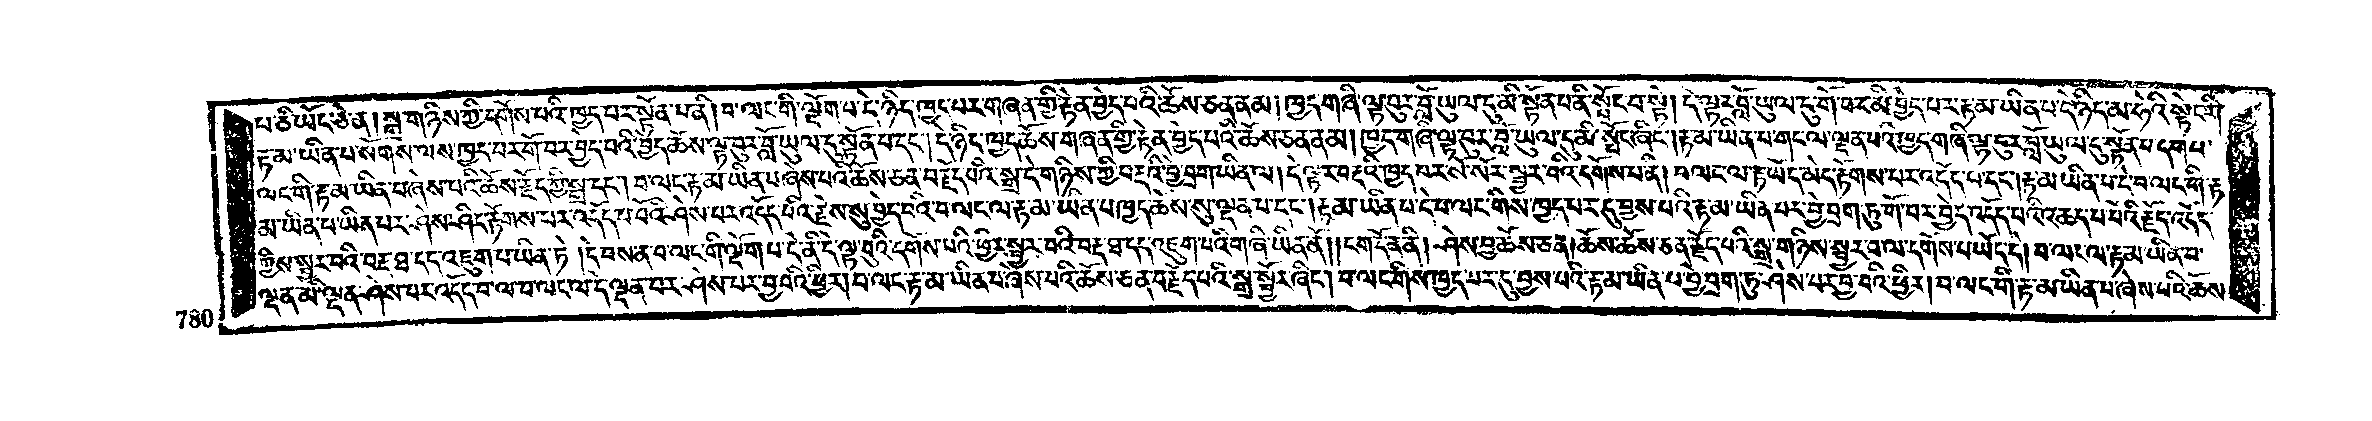པ་ཅི་ཡོད་ཅེ་ན། སྒྲ་གཉིས་ཀྱི་དགོས་པའི་ཁྱད་པར་སྟོན་པ་ནི། བ་ལང་གི་ལྡོག་པ་དེ་ཉིད་ཁྱད་པར་གཞན་གྱི་རྟེན་བྱེད་པའི་ཆོས་ཅན་ནམ། ཁྱད་གཞི་ལྟ་བུར་བློ་ཡུལ་དུ་མི་སྟོན་པ་ནི་སྤོང་བ་སྟེ། དེ་ལྟར་བློ་ཡུལ་དུ་གོ་བར་མི་བྱེད་པར་རྟ་མ་ཡིན་པ་དེ་ཉིད་མ་ཧེའི་སྟེང་གི་
རྟ་མ་ཡིན་པ་སོགས་ལས་ཁྱད་པར་གོ་བར་བྱེད་པའི་བྱེད་ཆོས་ལྟ་བུར་བློ་ཡུལ་དུ་སྟོན་པ་དང་། དེ་ཉིད་ཁྱད་ཆོས་གཞན་གྱི་རྟེན་བྱེད་པའི་ཆོས་ཅན་ནམ། ཁྱད་གཞི་ལྟ་བུར་བློ་ཡུལ་དུ་མི་སྤོང་ཞིང་། རྟ་མ་ཡིན་པ་གང་ལ་ལྡན་པའི་ཁྱད་གཞི་ལྟ་བུར་བློ་ཡུལ་དུ་སྟོན་པ་དག་བ་
ལང་གི་རྟ་མ་ཡིན་པ་ཞེས་པའི་ཆོས་རྗོད་ཀྱི་སྒྲ་དང་། བ་ལང་རྟ་མ་ཡིན་པ་ཞེས་པའི་ཆོས་ཅན་བརྗོད་པའི་སྒྲ་དེ་གཉིས་ཀྱི་བརྡའི་བྱེ་བྲག་ཡིན་ལ། དེ་ལྟར་བརྡའི་ཁྱད་པར་སོ་སོར་སྦྱར་བའི་དགོས་པ་ནི། བ་ལང་ལ་རྟ་ཡོད་མེད་རྟོགས་པར་འདོད་པ་དང་། རྟ་མ་ཡིན་པ་དེ་བ་ལང་གི་རྟ་
མ་ཡིན་པ་ཡིན་པར་ཤེས་ཤིང་རྟོགས་པར་འདོད་པ་པོའི་ཤེས་པར་འདོད་པའི་རྗེས་སུ་བྱེད་པའི་བ་ལང་ལ་རྟ་མ་ཡིན་པ་ཁྱད་ཆོས་སུ་ལྡན་པ་དང་། རྟ་མ་ཡིན་པ་དེ་བ་ལང་གིས་ཁྱད་པར་དུ་བྱས་པའི་རྟ་མ་ཡིན་པར་བྱེ་བྲག་ཏུ་གོ་བར་བྱེད་འདོད་པའི་འཆད་པ་པོའི་རྗོད་འདོད་
ཀྱིས་སྦྱར་བའི་བརྡ་ཐ་དད་འཇུག་པ་ཡིན་ཏེ། དེ་བས་ན་བ་ལང་གི་ལྡོག་པ་དེ་ནི་དེ་ལྟ་བུའི་དགོས་པའི་ཕྱིར་སྦྱར་བའི་བརྡ་ཐ་དད་འཇུག་པའི་གཞི་ཡིན་ནོ། །ངག་དོན་ནི། ཤེས་བྱ་ཆོས་ཅན། ཆོས་ཆོས་ཅན་རྗོད་པའི་སྒྲ་གཉིས་སྦྱར་བ་ལ་དགོས་པ་ཡོད་དེ། བ་ལང་ལ་རྟ་མ་ཡིན་པ་
ལྡན་མི་ལྡན་ཤེས་པར་འདོད་པ་ལ་བ་ལང་ལ་དེ་ལྡན་པར་ཤེས་པར་བྱ་བའི་ཕྱིར། བ་ལང་རྟ་མ་ཡིན་པ་ཞེས་པའི་ཆོས་ཅན་བརྗོད་པའི་སྒྲ་སྦྱོར་ཞིང་། བ་ལང་གིས་ཁྱད་པར་དུ་བྱས་པའི་རྟ་མ་ཡིན་པ་བྱེ་བྲག་ཏུ་ཤེས་པར་བྱ་བའི་ཕྱིར། བ་ལང་གི་རྟ་མ་ཡིན་པ་ཞེས་པའི་ཆོས་